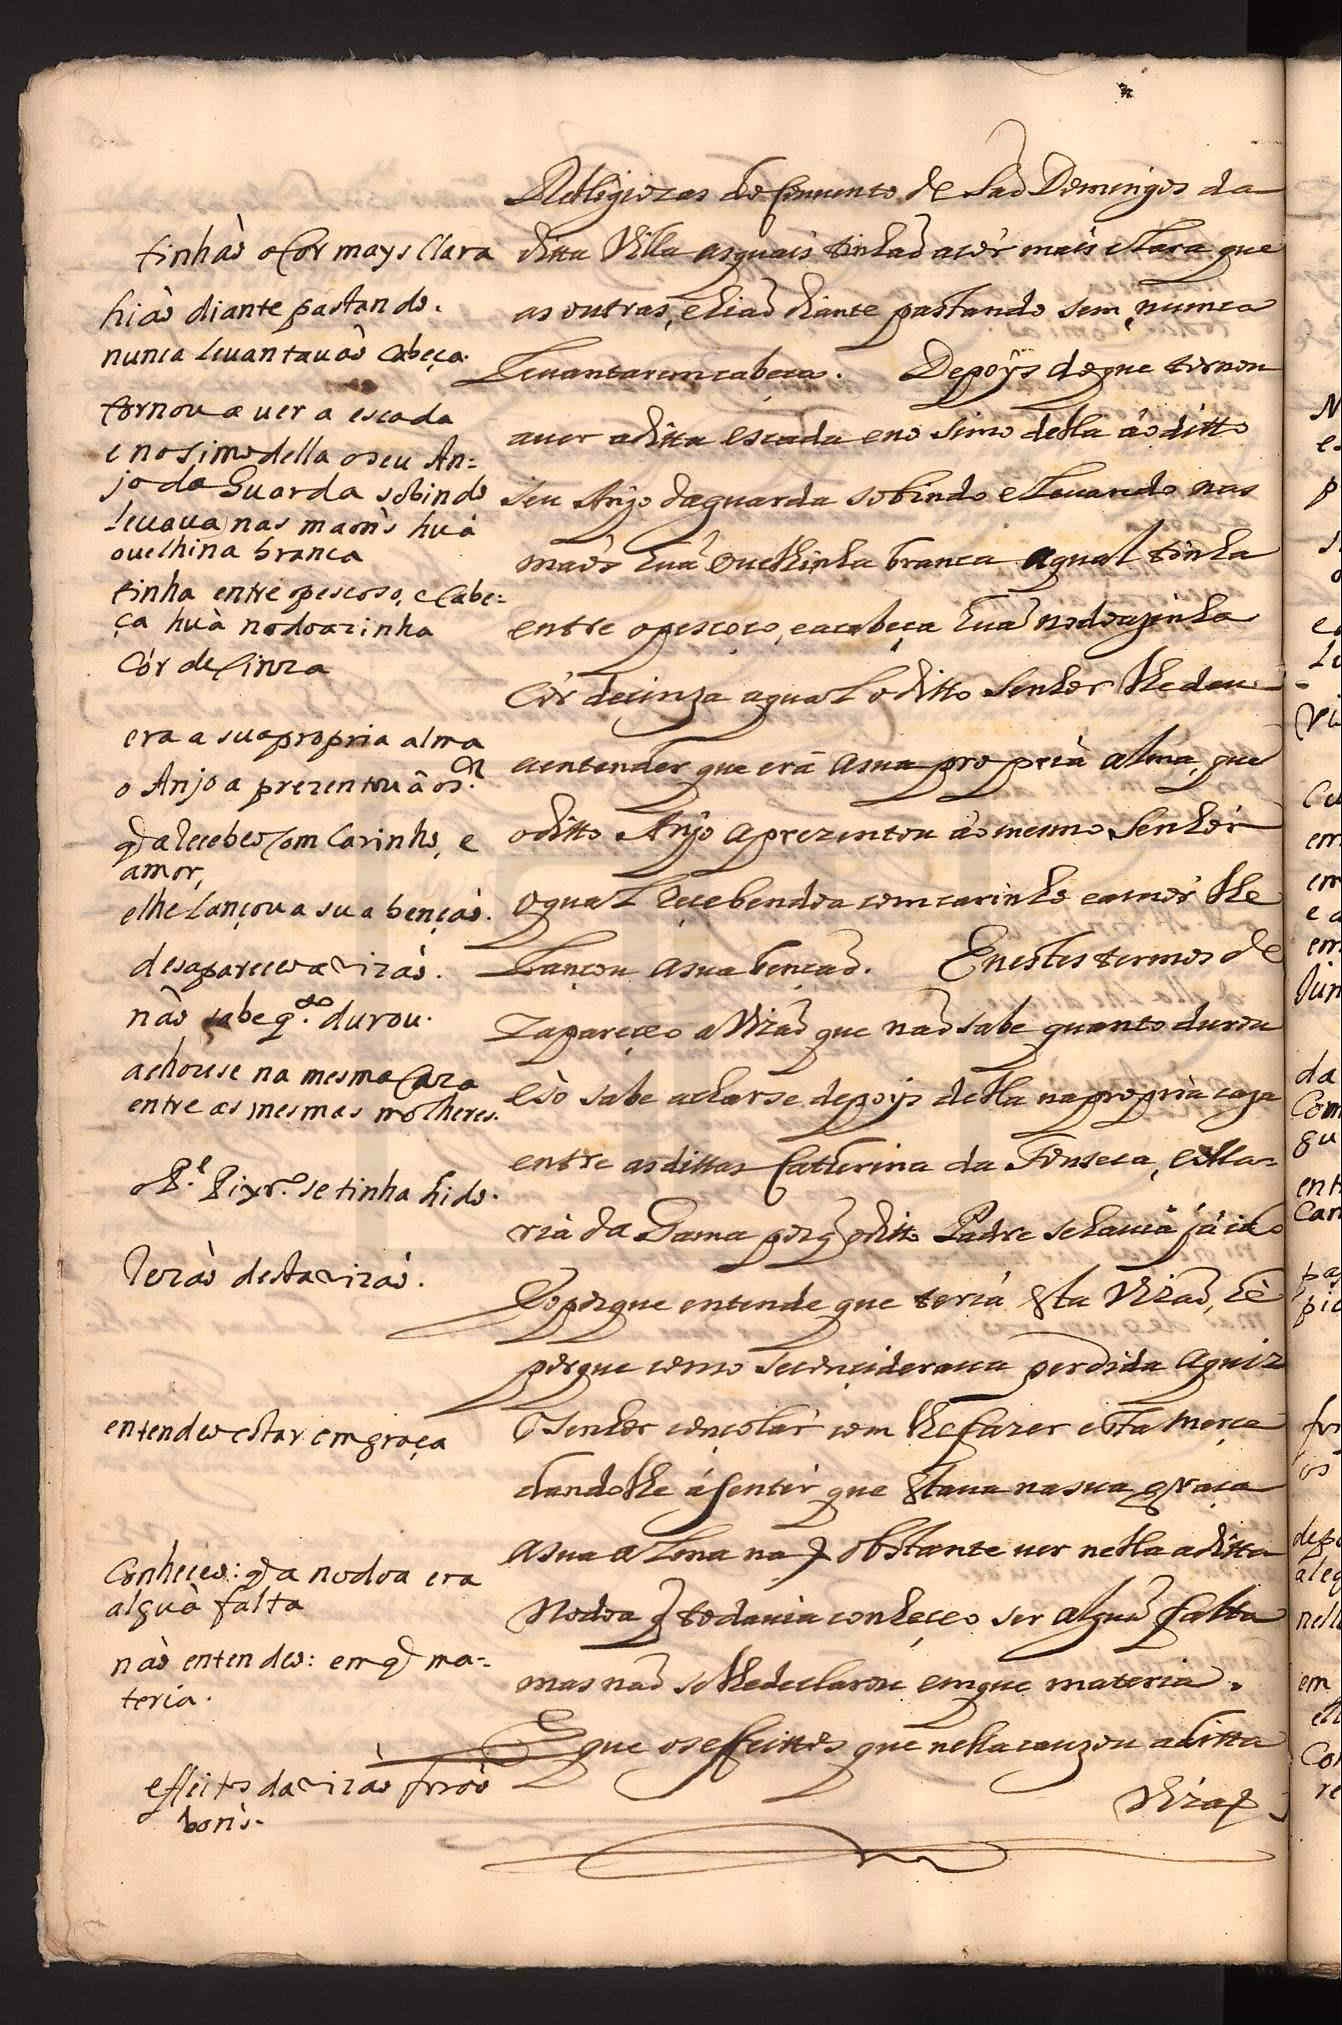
Relligiozas do Conuento de Saõ Domingos da
ditta Villa as quais tinhaõ a cor mais clara que
tinhaõ a Cor mays clara
as outras, e hiaõ diante pastando sem numca
hiaõ diante pastando.
nunca leuantauaõ cabeça.
Leuantarem cabeça.
Depoys do que tornou
tornou a uer a escada
a uer a ditta escada e no simo della ao ditto
e no simo della o seu An
jo da Guarda sobindo
seu Anjo da guarda sobindo e leuando nas
leuaua nas maons huā
ouelhina branca
maõs huā ouelhinha branca a qual tinha
tinha entre pescoso, e cabe
entre o pescoço, e a cabeça huā nodoazinha
ça huā nodoazinha
cor de Cinza
cor de cinza a qual o ditto Senhor lhe deu
era a sua propria alma
a entender que era a sua propria alma, que
o Anjo aprezentou ao s.or
o ditto Anjo aprezentou ao mesmo Senhor
q̄ a Recebeo Com carinho, e
amor,
o qual recebendoa com carinho e amor lhe
e lhe lançou a sua bençaõ
Lançou a sua benção. E nestes termos de
desapareceo a vizaõ.
naõ sabe q.to durou
zapareceo a Vizaõ que naõ sabe quanto durou
achou se na mesma Caza
e sò sabe acharse depoys della na propria caza
entre as mesmas molheres
entre as dittas Catherina da Fonseca, e Ma
o P.e Pixr.o se tinha hido
ria da Gama porq̄ o ditto Padre se hauia já ido
Rezaõ desta vizaõ.
E o por que entende que teria esta Vizaõ, hé
porque como se concideraua perdida a quiz
o Senhor conçolar com lhe fazer esta merce
entendeo estar em graça
dandolhe á sentir que estaua na sua graça
a sua alma naõ obstante uer nella a ditta
Conheceo: q̄ a nodoa era
alguā falta
Nodoa q̄ todauia conheceo ser alguā falta
naõ entendeo: em q̄ ma
mas não se lhe declarou em que materia.
teria.
E que os effeitos que nella cauzou a ditta
effeitos da vizão foraõ
Vizaõ.
bons.
